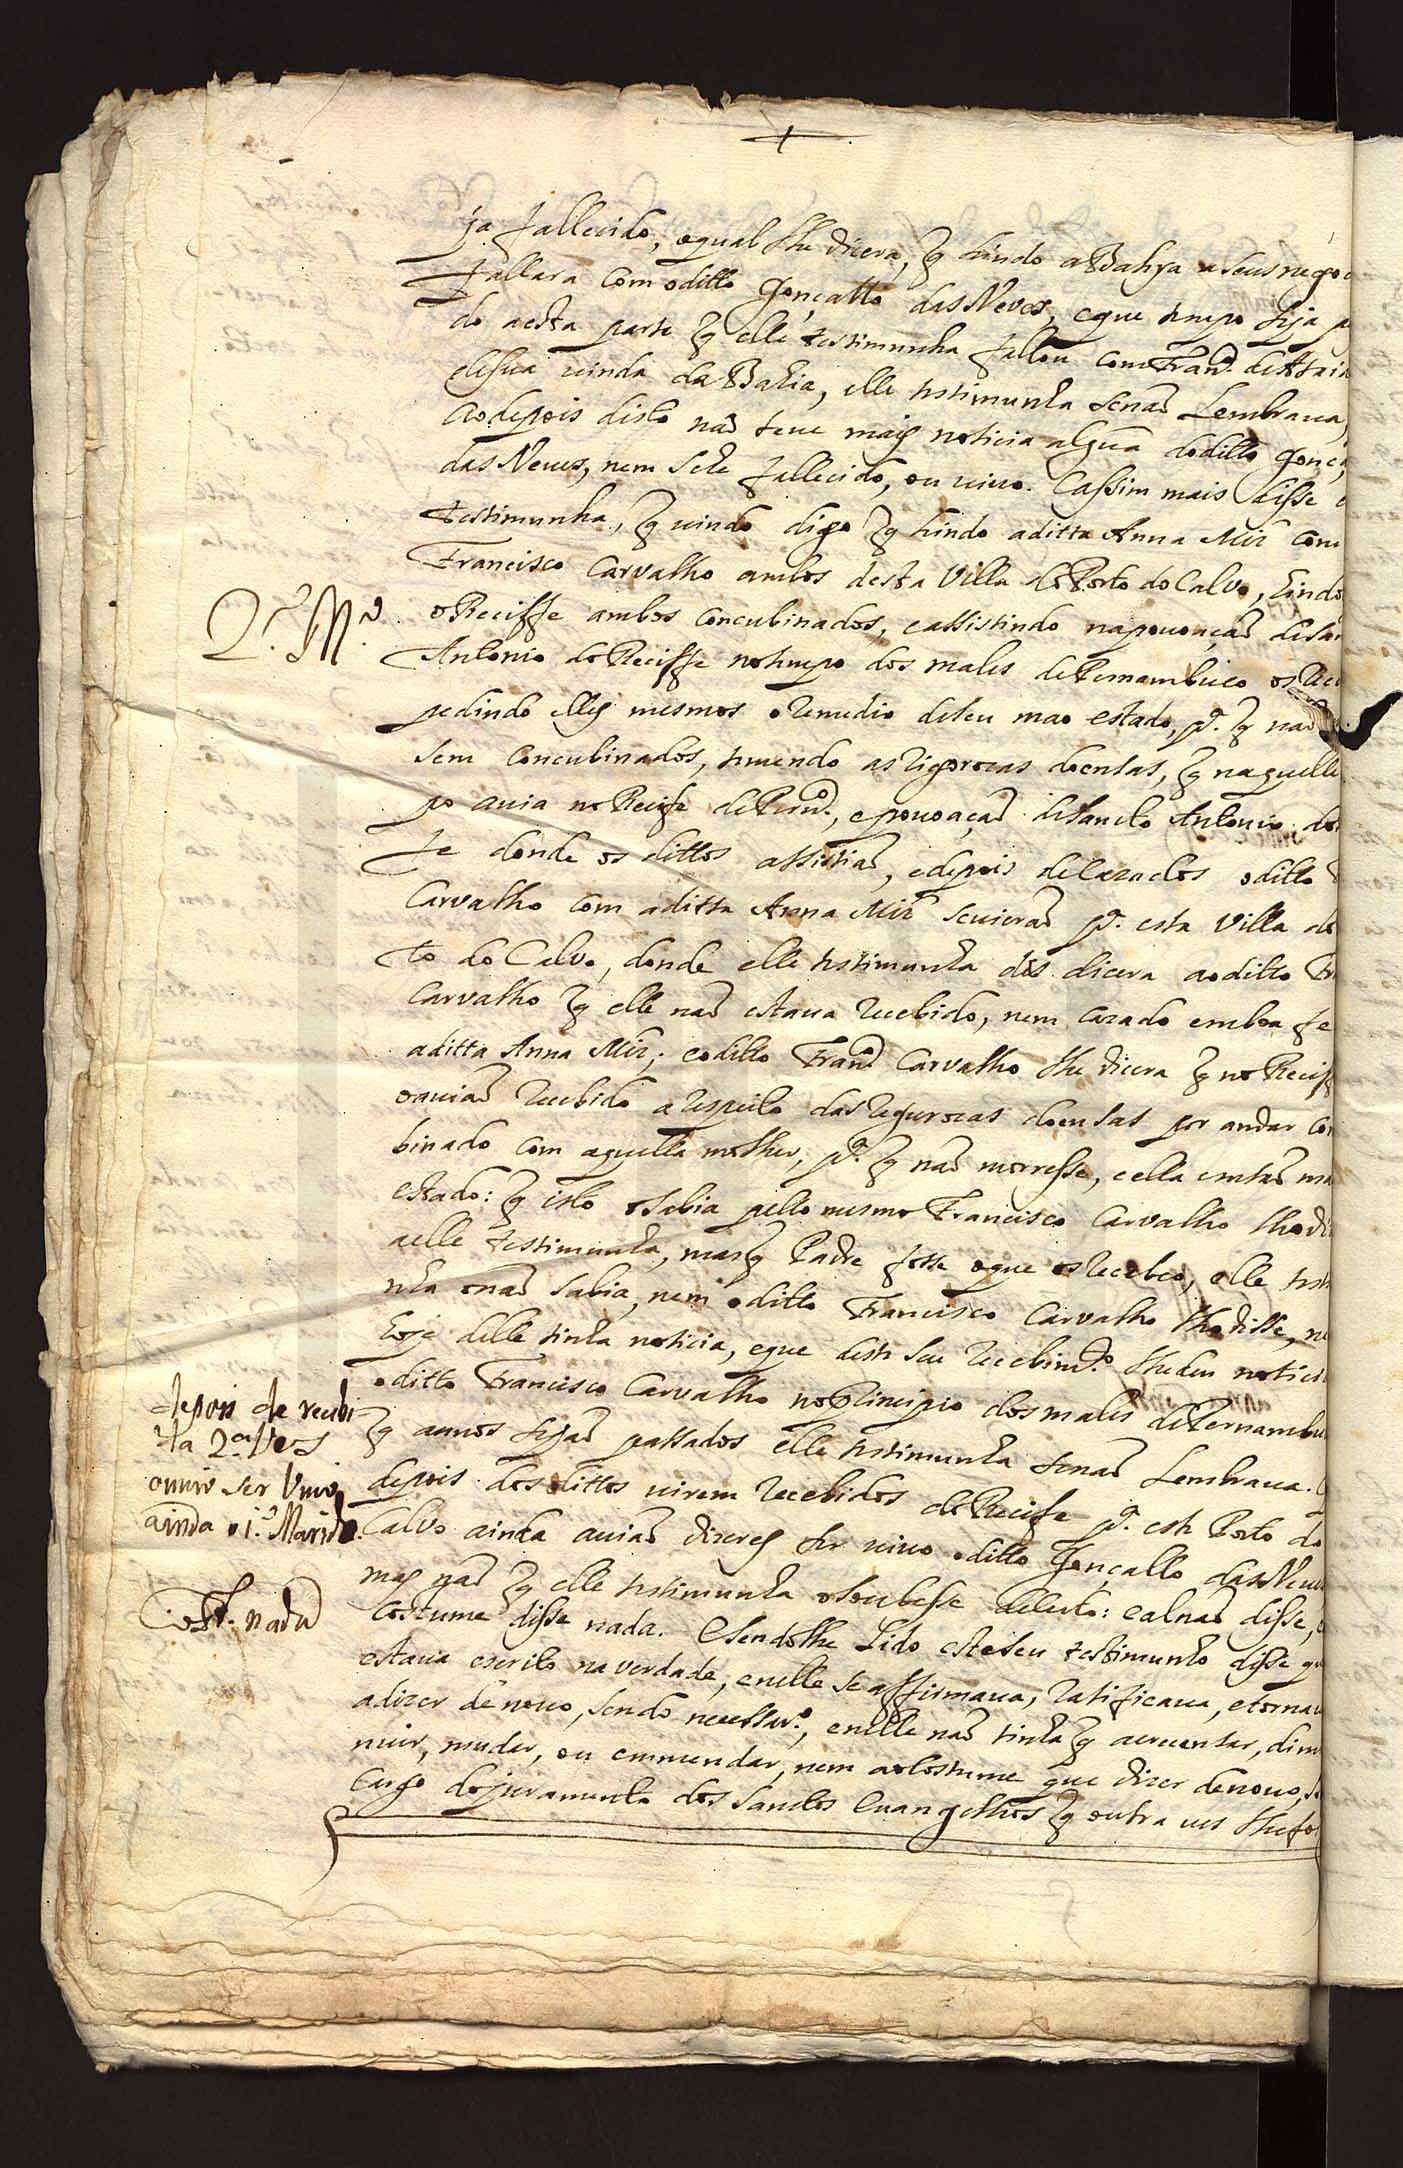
ja fallecido, o qual lhe dizera, q̄ hindo a Bahya a seus negoc
fallara Com o ditto Gonçallo das Neves, e que tempo seja, p
do a esta parte q̄ elle testimunha fallou com Franco. de Atai
de sua uinda da Bahia, elle testimunha senaõ Lembraua,
ao depois disto naõ teue mais noticia alguā do ditto gonca
das Neues, nem se he fallecido, ou uiuo. E assim mais disse
testimunha, q̄ uindo digo q̄ hindo a ditta Anna Miz̄ con
Francisco Carvalho ambos desta Villa do Porto do Calvo, hindo
o Reciffe ambos concubinados, e assistindo na pouoaçaõ de san
Antonio do Reciffe no tempo dos males de Pernambuco os Rec
pedindo elles mesmos o Remedio de seu mao estado, p.a q̄ naõ
sem concubinados, temendo as Rigorozas doensas, q̄ naquelle
po auia no Recife de Pern.co, e pouoaçaõ de Sancto Antonio dos
te donde os dittos assistiaõ, e depois de cazados o ditto
Carvalho com a ditta Anna Miz̄ se uierão p.a esta villa do
to do Calvo, donde elle testimunha desdicera ao ditto Fr
Carvalho q̄ elle naõ estaua Recebido, nem cazado em boa fe
a ditta Anna Miz̄; e o ditto Fran.co Carvalho lhe dicera q̄ no Recif
o auiaõ Recebido a Respeito das Regurozas doensas por andar con
binado com aquella molher, pa. q̄ naõ morresse, e ella emtaõ ma
estado: q̄ isto o sabia pello mesmo Francisco Carvalho lho di
a elle testimunha, mas q̄ Padre fosse o que os Recebeo, elle tes
nha o naõ sabia, nem o ditto Francisco Carvalho lhe disse, n
hoje delle tinha noticia, e que deste seu Recebim.to lhe deu notici
o ditto Francisco Carvalho no principio dos males de Pernambu
q̄ annos sejaõ passados elle testimunha senaõ Lembraua.
depois dos dittos uirem Recebidos de Recife p.a este Porto do
Calvo ainda auiaõ diceres ser uiuo o ditto Gonçallo das Neue
mas naõ q̄ elle testimunha o soubesse de certo: e al naõ disse,
costume disse nada. E sendolhe Lido este seu testimunho disse qu
estaua escrito na verdade, e nelle se affirmaua, Ratificaua, e tornau
a dizer de nouo, sendo necessar.o, e nelle naõ tinha q̄ acrecentar, dim
nuir, mudar, ou emmendar, nem ao costume que dizer de nouo, s
cargo do juramento dos Sanctos Euangelhos q̄ outra ues lhe fo
2.o M.o
depois de recebi
da 2.a Ves
ouuio ser Uiuo
ainda o 1.o Marido
Cost. nada
